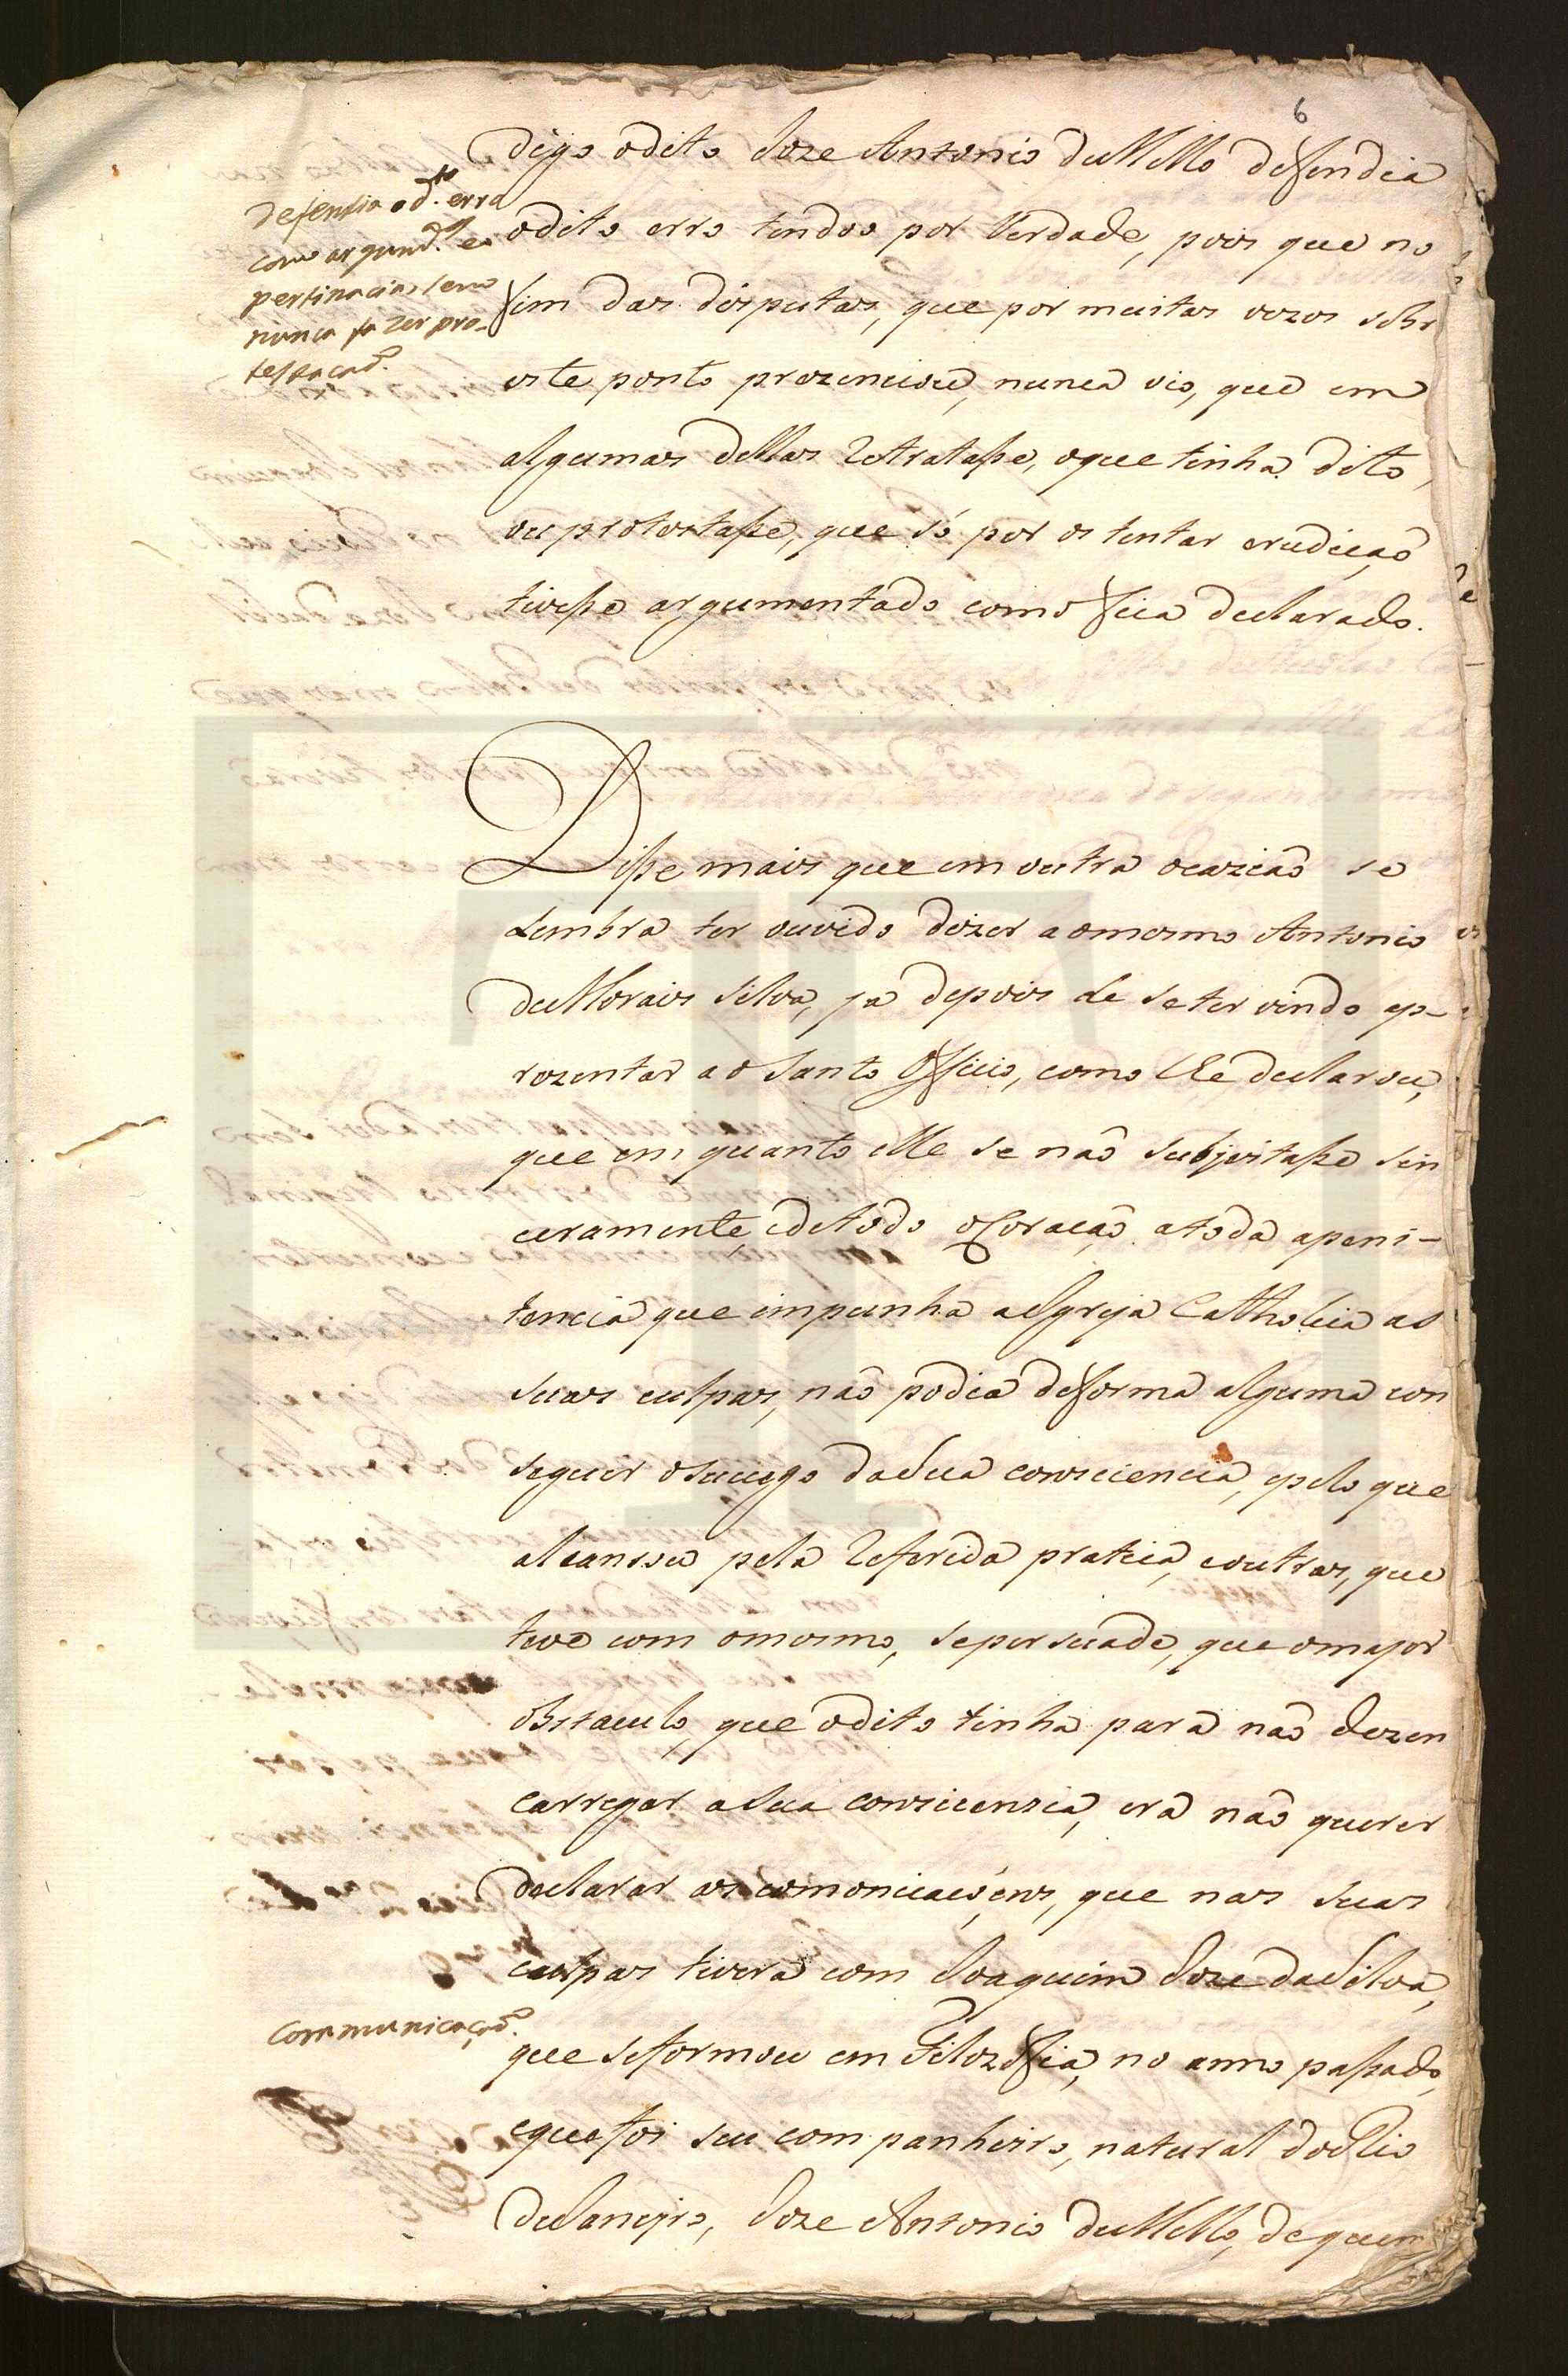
digo o dito Ioze Antonio de Mello defendia
o dito erro tendoo por Verdade, pois que no
fim das disputas, que por muitas vezes sobr
este ponto prezenciou, nunca vio, que em
algumas dellas RetrataSse, o que tinha dito,
ou protestaSse, que só por os tentar erudiçaõ
tivesse argumentado como fica declarado.
Disse mais que em outra ocaziaõ se
Lembra ter ouvido dizer a o mesmo Antonio
de Morais Silva, ja depois de se ter vindo ap
rezentar a o Santo Officio, como lhe declarou,
que emquanto elle se naõ subjeitaSse sin
ceramente, e de todo o Coraçaõ a toda a peni
tencia que impunha a Igreja Catholica as
suas culpas, naõ podia de forma alguma con
seguir o succego da Sua consciencia, e pelo que
alcansou pela Referida pratica, e outras, que
teve com o mesmo, se persuade, que o major
obstaculo, que o dito tinha para não dezen
carregar a sua consciencia, era não querer
declarar as comonicaçõens, que nas suas
culpas tivera com Ioaquim Ioze da Silva,
que se formou em Filozofia, no anno passado,
e que foi seu companheiro, natural do Rio
de Ianeiro, Ioze Antonio de Mello de quem
defendia o d.to erro
com argum.tos e
pertinacia sem
nunca fazer pro
testaçaõ
communicaçaõ.
